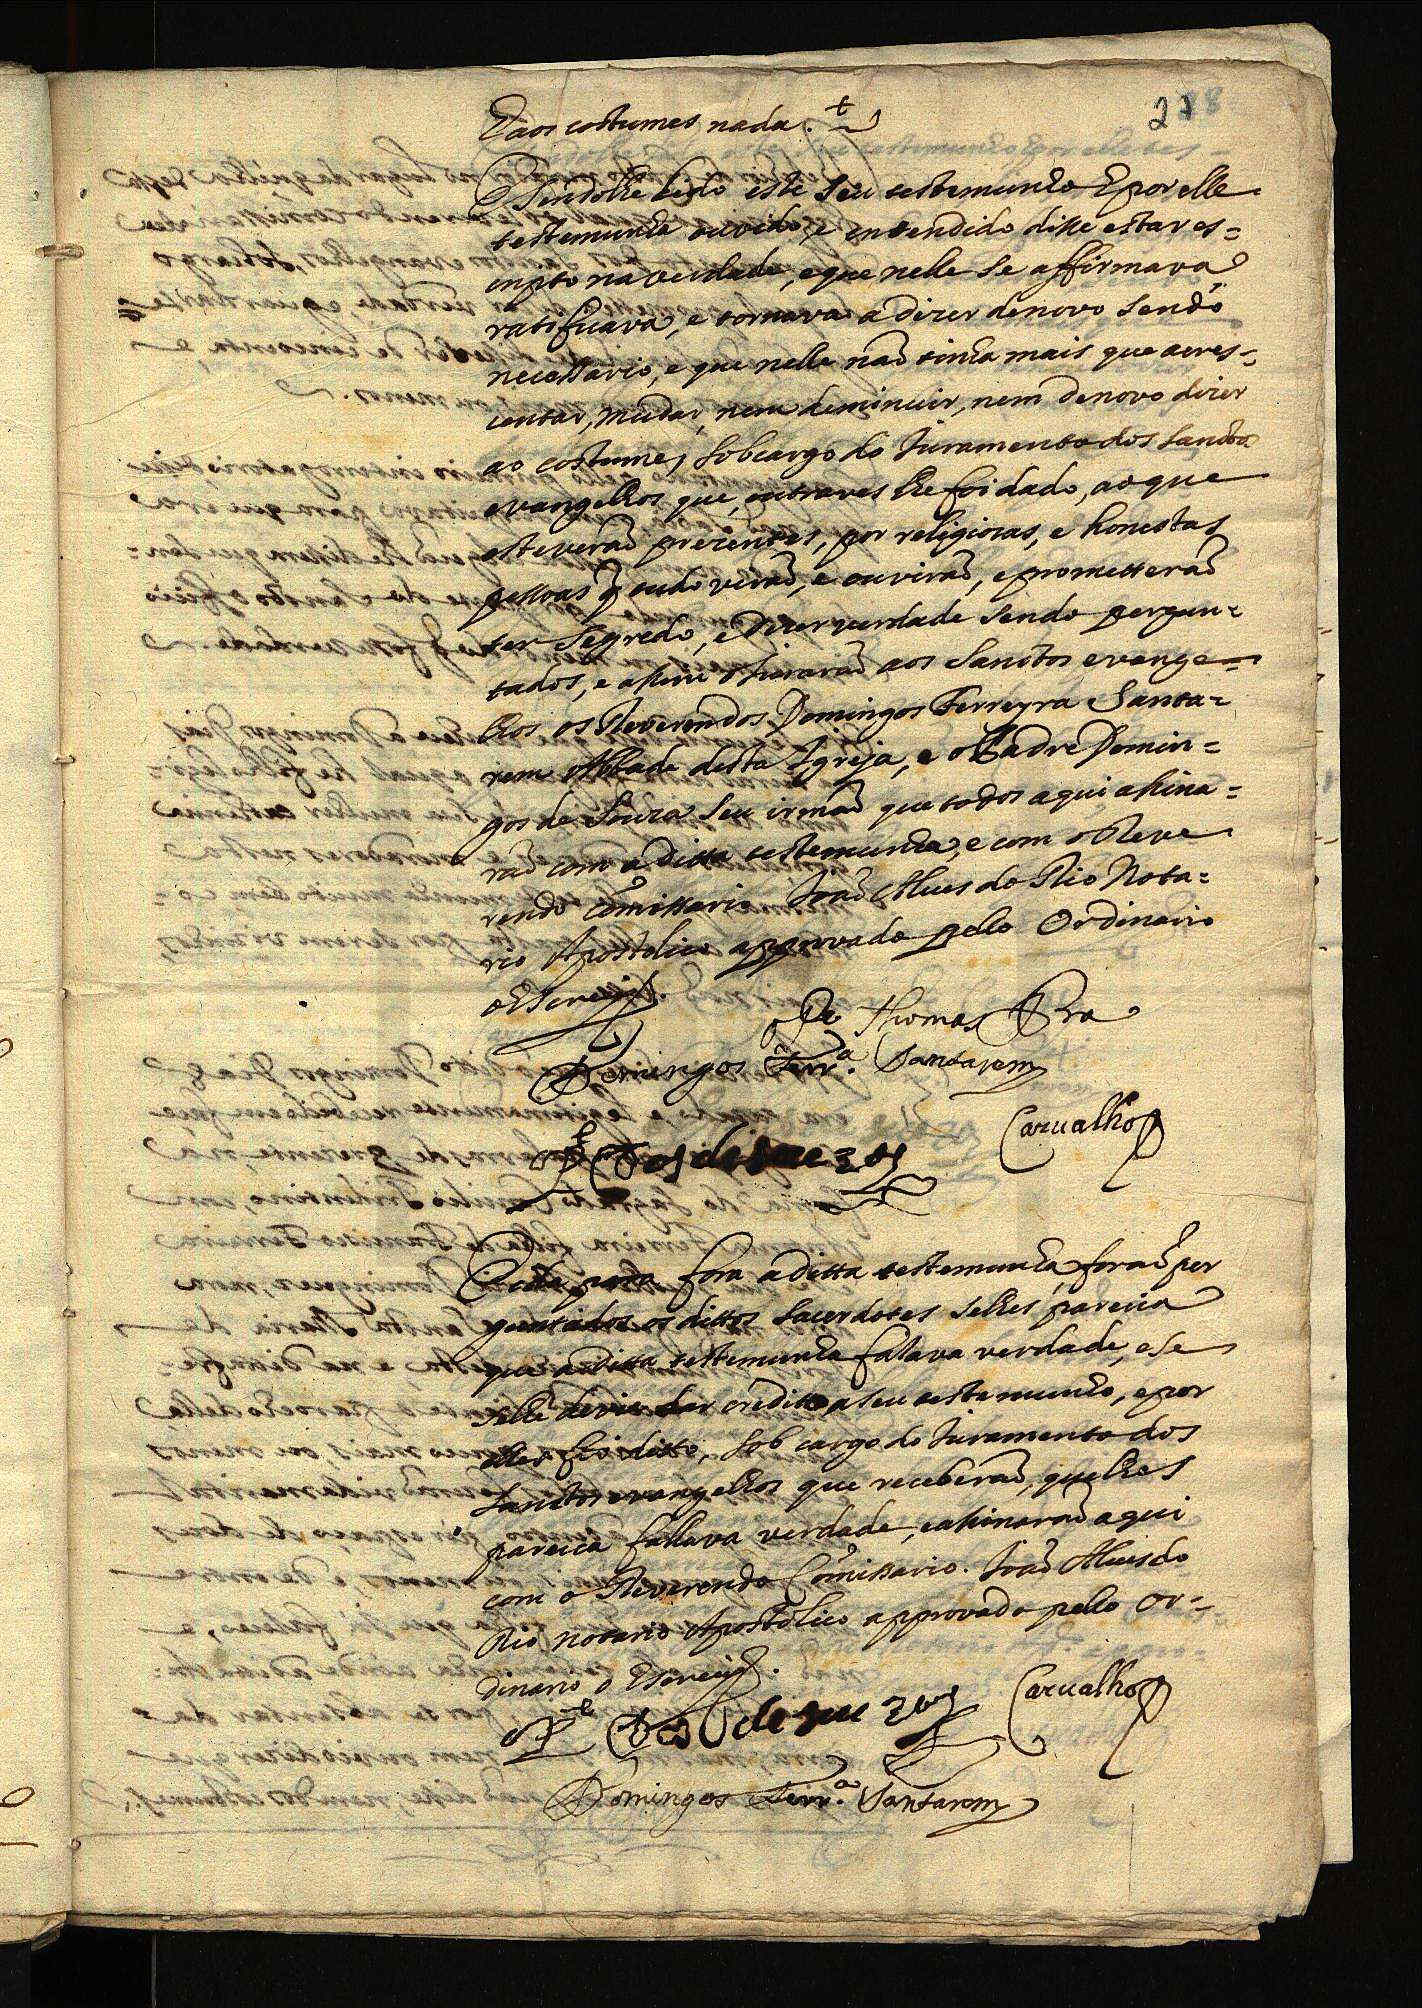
E aos costumes nada.
E sendolhe lido este seu testemunho E por elle
testemunha ouvido, e entendido disse estar es
cripto na verdade, e que nelle se affirmava
ratificava, e tornava a dizer de novo sendo
necessario, e que nelle naõ tinha mais que acres
centar, mudar, nem deminuir, nem de novo dizer
ao costumes sob cargo do Iuramento dos sanctos
evangelhos que, outra ves lhe foi dado, ao que
esteveraõ prezentes, por religiozas, e honestas
pessoas q̄ tudo virão, e ouviraõ, e prometteraõ
ter Segredo, e dizer verdade, sendo pergun
tados, e assim o Iuraraõ aos Sanctos evange
lhos os Reverendos Domingos Ferreyra Santa
rem Abbade desta Igreja, e o Padre Domin
gos de Souza seu irmaõ que todos aqui assina
raõ com a ditta testemunha, e com o Reve
rendo comissario Ioaõ Alues do Rio Nota
rio Apostolico approvado pello Ordinario
o Escreuj.
o Pe Thomas Pra
Domingos Ferra. Santarem
Carualho
o Pe Dos de souza
E ida para fora a ditta testemunha foraõ per
guntados os dittos sacerdotes se lhes parecia
que a ditta testemunha falava verdade, e se
se lhe devia dar credito a seu testemunho, e por
elles foi ditto, sob cargo do Iuramento dos
sanctos evangelhos que receberaõ, que lhes
parecia fallava uerdade, e assinaraõ aqui
com o Reverendo Comissario. Ioaõ Alues do
Rio notario Apostolico approvado pello or
dinario o Escreui.
o Pe Dos de souza
Carualho
Domingos Ferr.a Santarem
